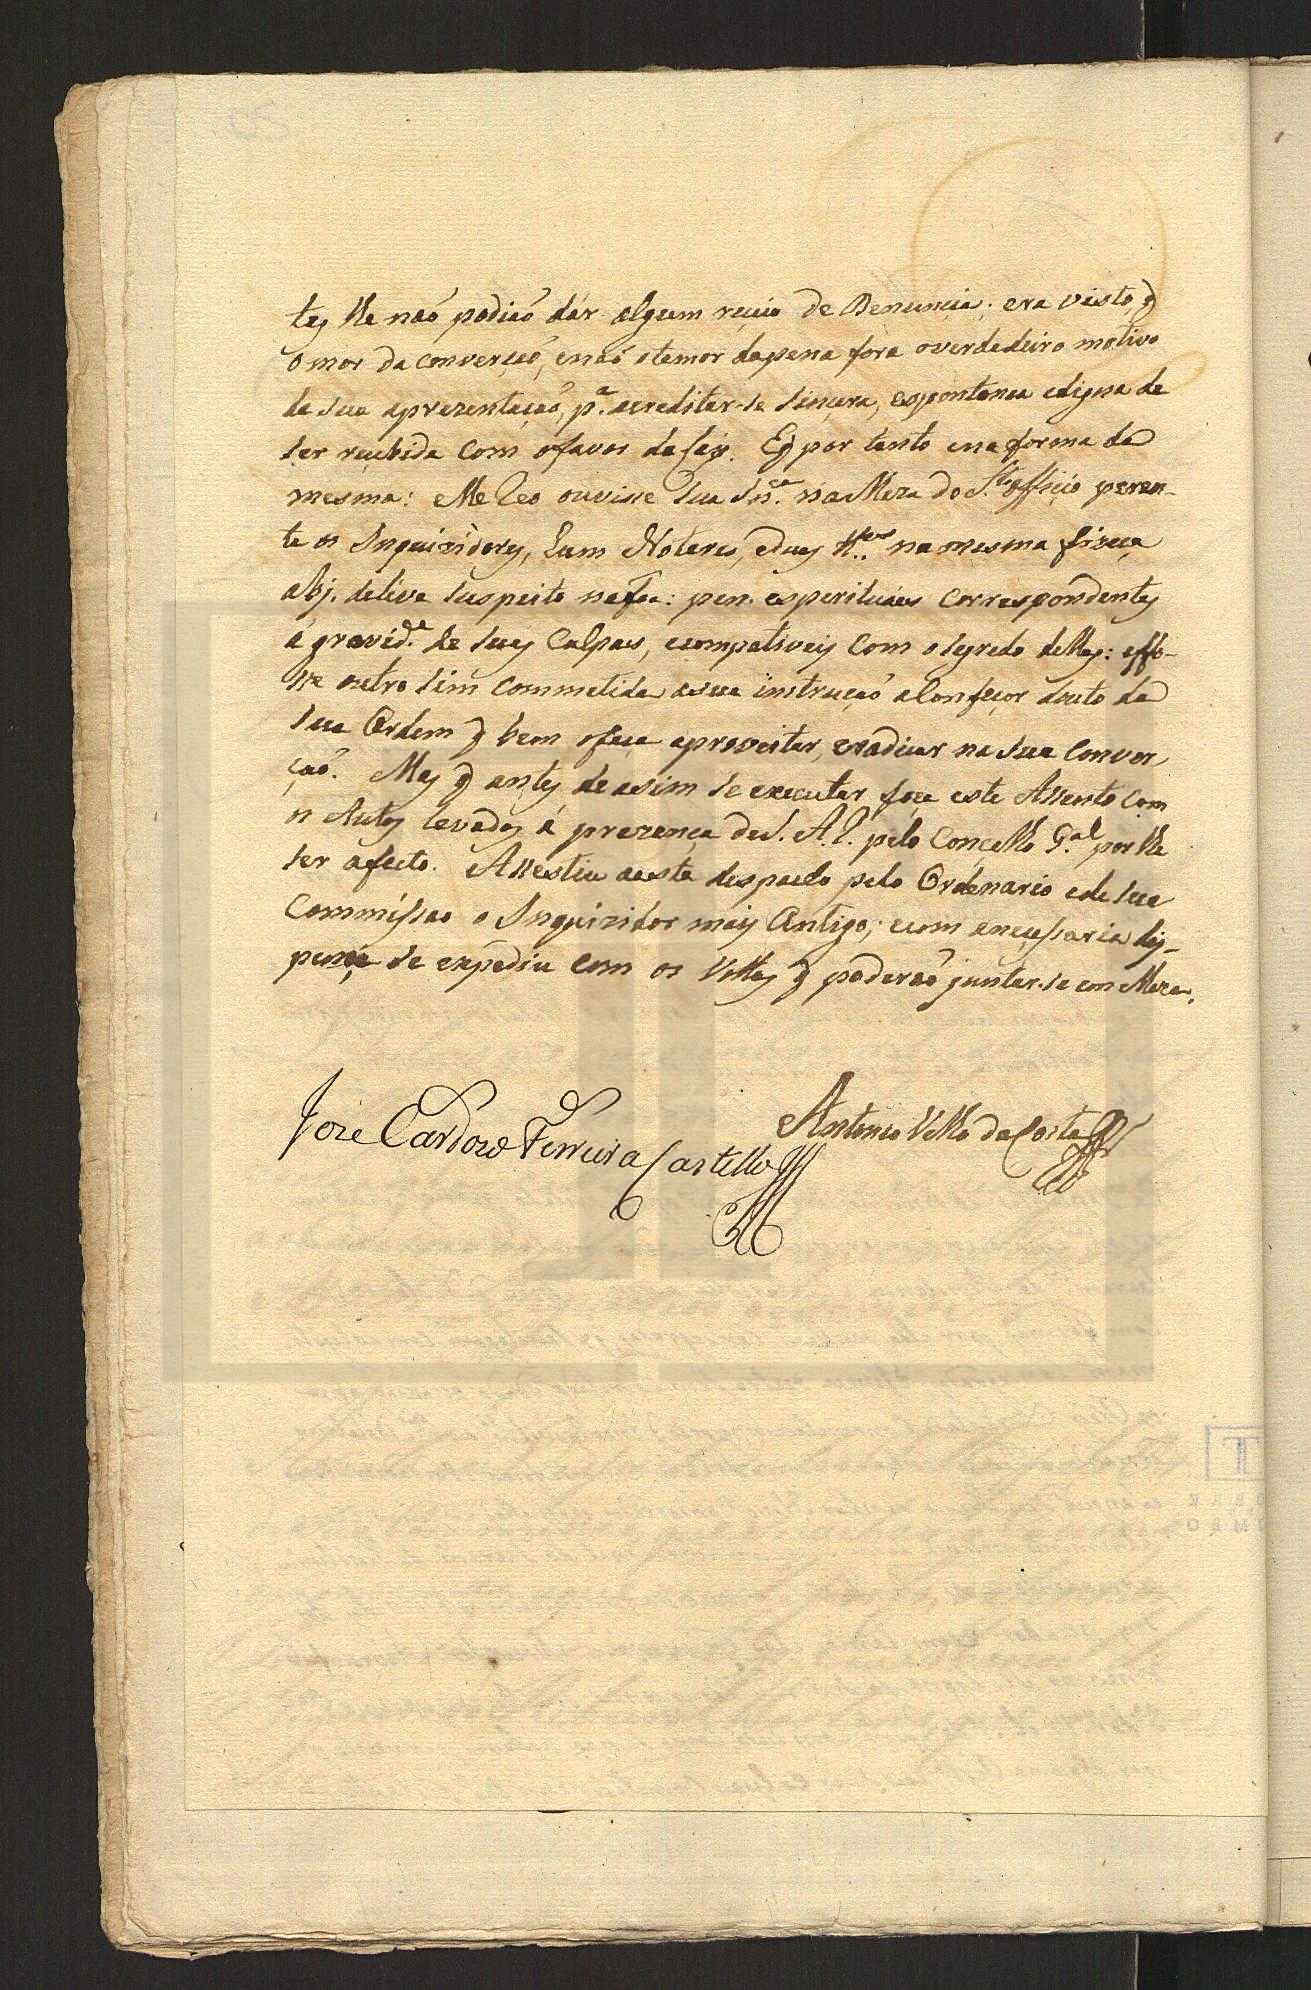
tes lhe naõ podiaõ dár algum receio de Denuncia; era visto, q̄
o mor da converçaõ, e naõ o temor da pena fora o verdadeiro motivo
da sua aprezentaçaõ, p.a acreditar-se sincera, espontanea e digna de
ser recebida com o favos da Ley. E q̄ por tanto e na forma da
mesma: elle Reo ouvisse sua Sn.ca na Meza do S.to officio peran
te os Inquizidores, hum Notareo, e duas tt.as na mesma fizece
abj. de live suspeito na fee: per esperituaes correspondentes
á gravid.e de suas culpas, e compativeis com o segredo dellas: e ffo
sse outrosim commetida a sua instruçaõ a Confeçor douto da
sua Ordem q̄ bem o faça aproveitar, erradicar na sua conver
çaõ. Mas q̄ antes de asim se executar faça este Assento com
os Autos levados á prezença de S. A. R. pelo Concelho G.al por lhe
ser afecto. Assestiu a este despacho pelo Ordenario e de sua
commissao o Inquizidor mais Antigo; e com a necessaria dis
pença se expediu com os Vottos q̄ poderaõ juntar-se em Meza.
Antonio Velho da Costa
Joze Cardozo Ferreira Castello
